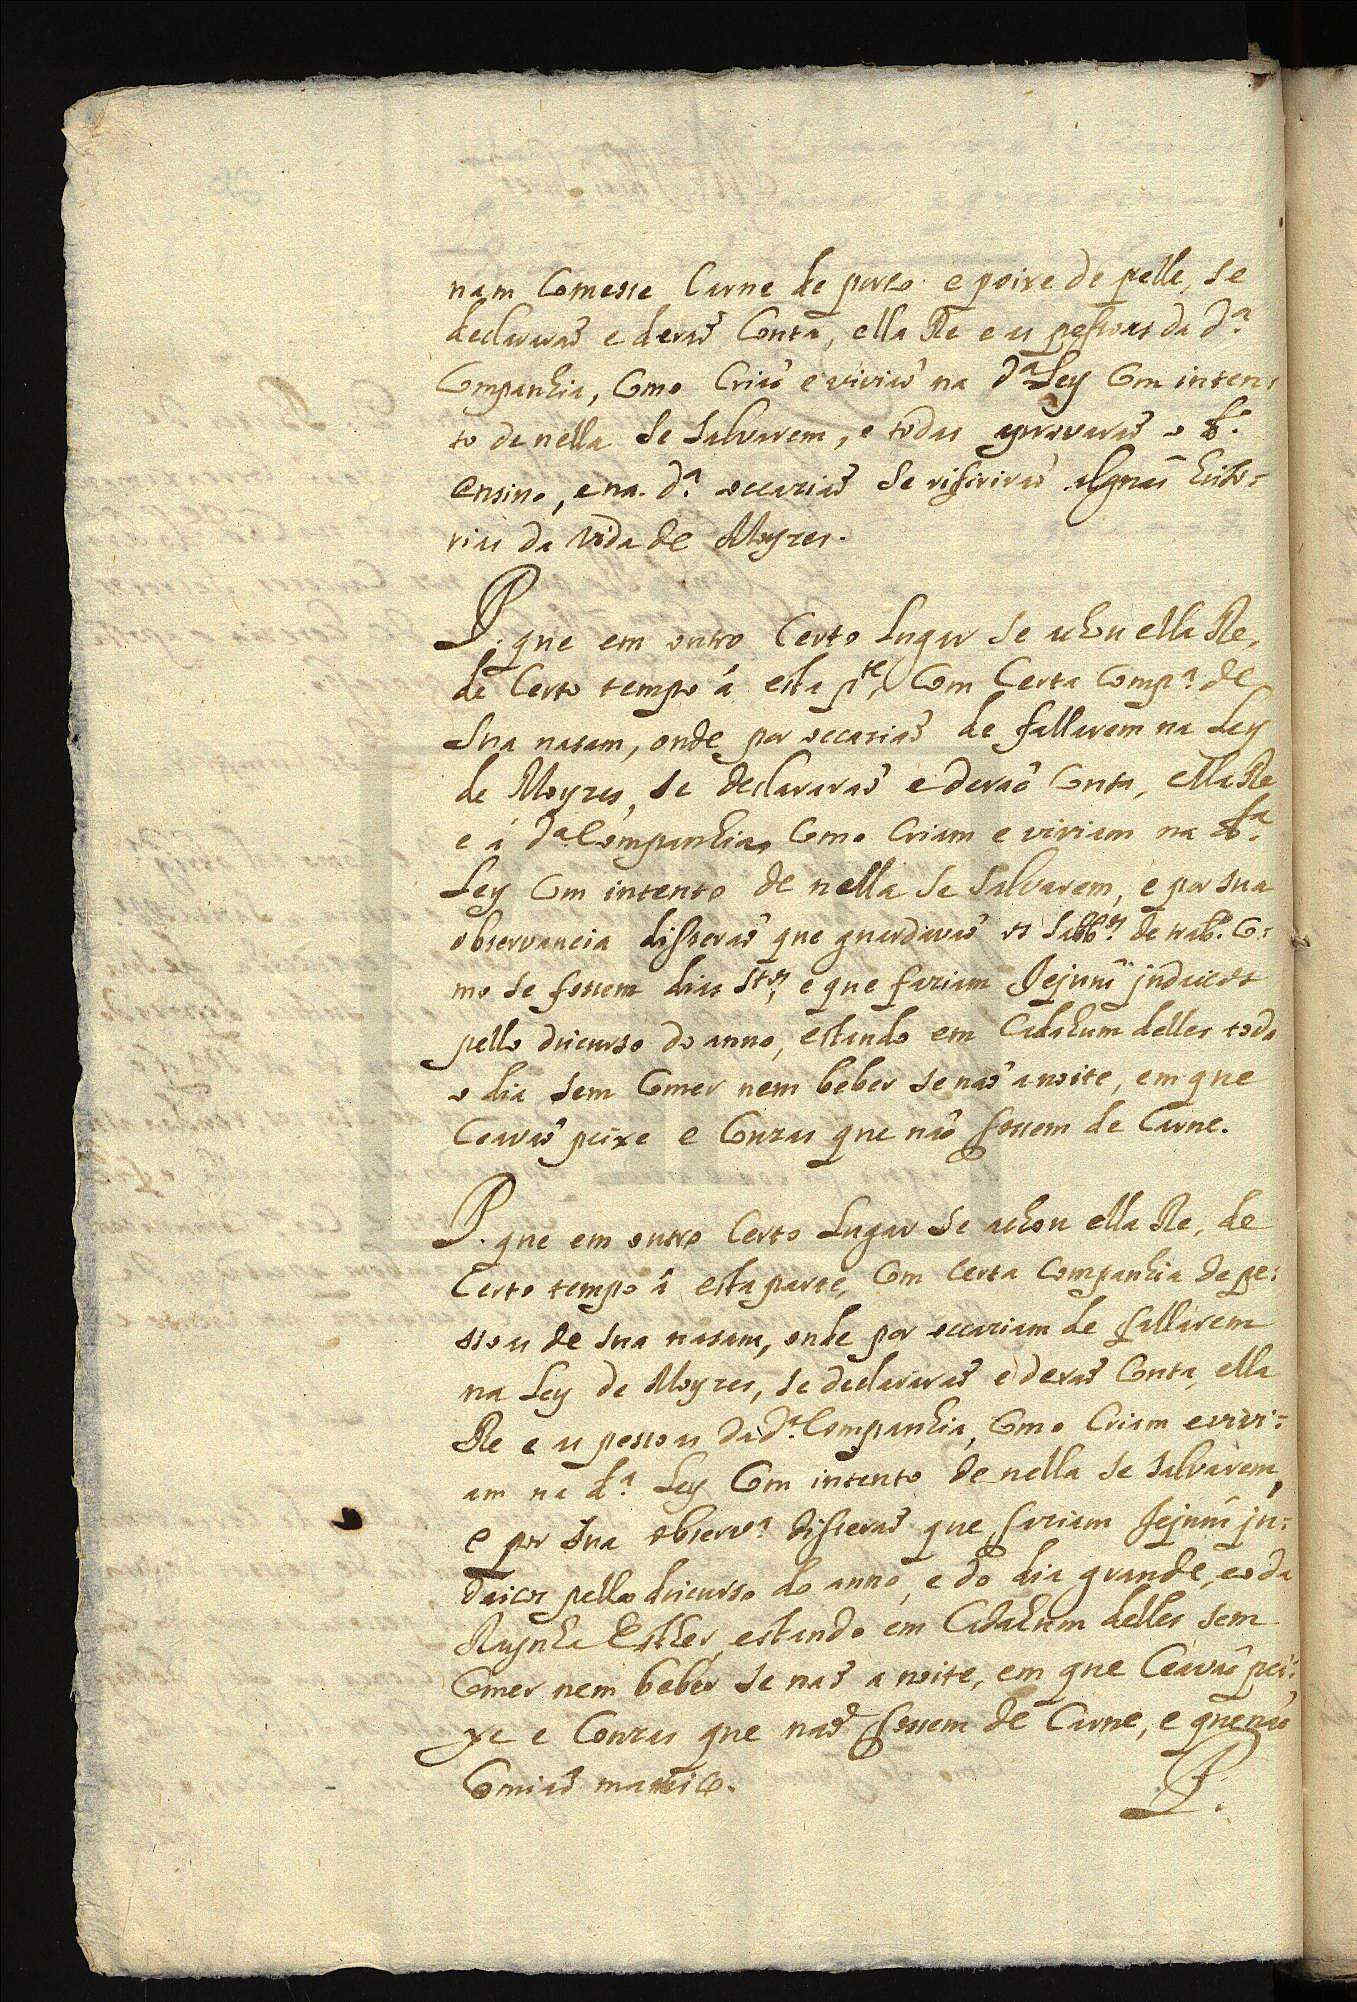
nam Comesse Carne de porco e peixe de pelle, se
declararaõ e deraõ Conta, ella Re e as pessoas da d.a
Companhia, Como Criaõ e viviaõ na da Ley com inten
to de nella Se Salvarem, e todas aprovaraõ o d.o
ensino, e na d.a occaziaõ Se rifiriraõ alguâs histo
rias da vida de Moyzes.
P. que em outro Certo Lugar se achou ella Re,
de Certo tempo á esta pte, Com Certa Compa. de
Sua nasam, onde por occaziaõ de fallarem na Ley
de Moyzes, se declararaõ e deraõ Conta, ella Re
e á da. Companhia Como Criam e viviam na d.a
Ley Com intento de nella Se Salvarem, e por sua
observancia disseraõ que guardavaõ os Sabb.os de trab̄.o co
mo se fossem dias Stos, e que faziam Iejuns̄ judaicos
pello discurso do anno, estando em Cada hum delles todo
o dia Sem Comer nem beber senaõ a noite, em que
Ceavaõ peixe e Couzas que naõ fossem de Carne.
P. que em outro Certo Lugar se achou ella Re, de
Certo tempo â esta parte, com certa companhia de pe
ssoas de sua nasam, onde por occaziam de fallarem
na Ley de Moyzes, se declaráraõ e deraõ Conta, ella
Re e as pessoas da d.a Companhia, Como Criam e vivi
am na d̄.a Ley Com intento de nella se salvarem,
e por sua observa. disseraõ que faziam Jejuns̄ ju
daicos pello discurso do anno, e do dia grande, e o da
Raynha Esther, estando em Cada hum delles sem
Comer nem beber senaõ a noite, em que Ceavaõ pei
xe e Couzas que naõ fossem de Carne, e que não
Comiaõ marisco.
P.
